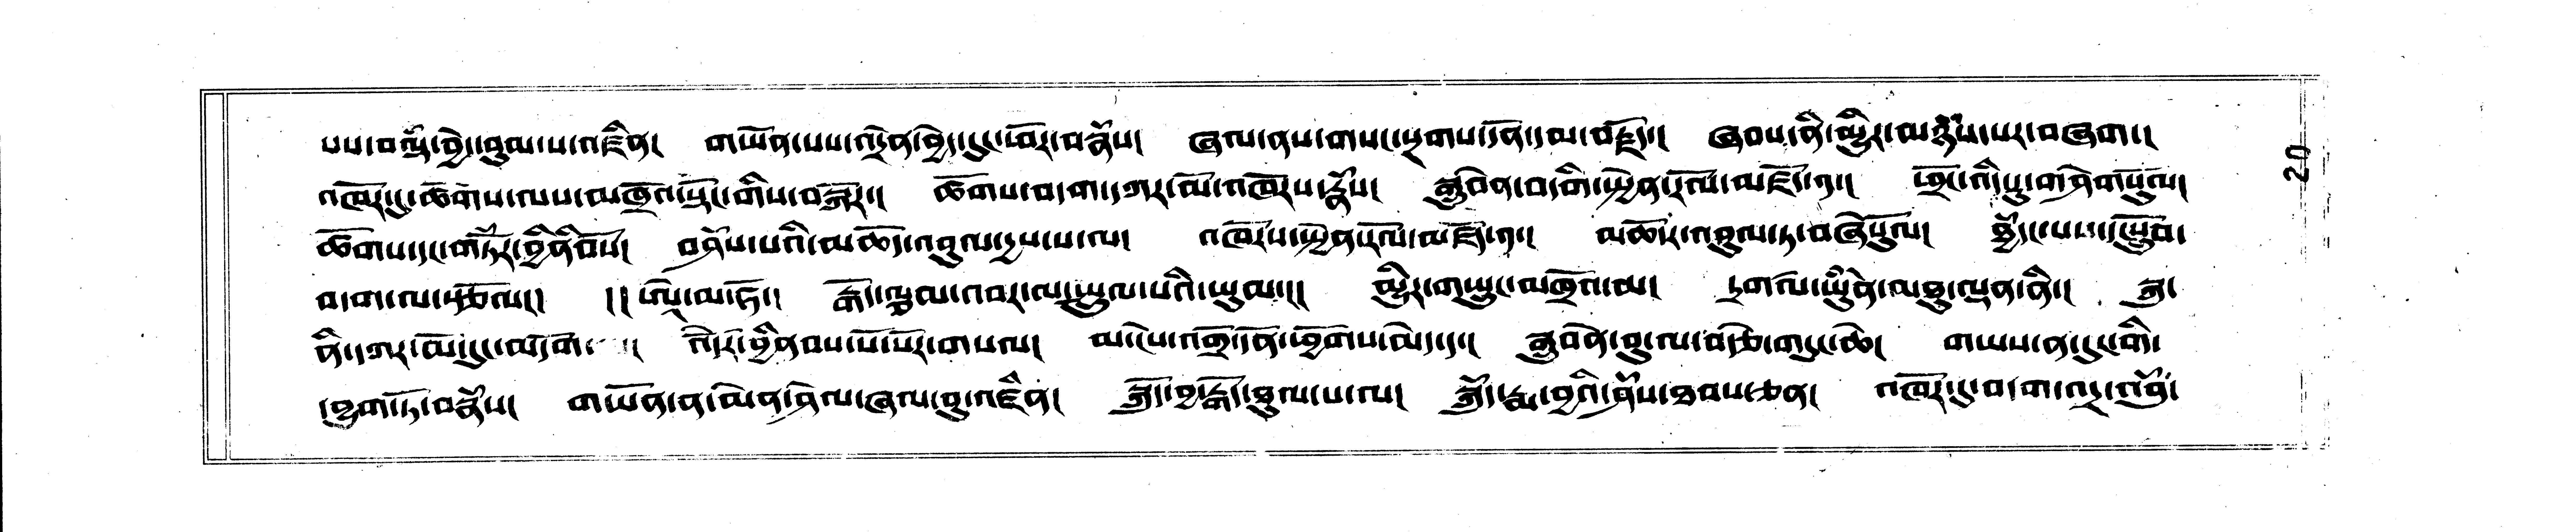པས་བལྟམས་བྱེད་བུམ་པ་འཛིན། གཡོན་པས་འདྲེན་བྱེད་དུང་ཕོར་བསྣམས། ཞལ་ནས་གསང་སྔགས་དོན་དམ་བརྗོད། ཞབས་ནི་མི་འགྱུར་མཉམ་པར་བཞག །
འཁོར་དུ་ཚོགས་ལས་མཁའ་འགྲོ་སྟོང་གིས་བསྐོར། ཚོགས་བདག་དཀར་མོ་འཁོར་བཅས་རྣམས། སྒྲུབ་ཆེན་བདག་གིས་སྤྱན་འདྲེན་ནས། ཕོ་བྲང་འདི་རུ་གཤེགས་སུ་གསོལ། 
ཚོགས་དང་གཏོར་མ་བྱིན་གྱིས་རློབས། བཤམས་པའི་མཆོད་འབུལ་རྒྱས་པ་ལ། འཁོར་བཅས་སྤྱན་འདྲེན་རོལ་མཛོད་ཅིག མཆོད་པར་འབུལ་ཏེ་བཞེས་སུ་གསོལ། ཐུགས་པས་དངོས་གྲུབ་
བདག་ལ་སྩོལ། །།ཨེ་མ་ཧོ།། རྒོད་ལྕམ་འབར་ལ་སྤྲུལ་པའི་ཡུམ།། མི་འགྱུར་གཡུང་དྲུང་མཁའ་འགྲོ་མ། དྲག་རྩལ་ཡུམ་ཆེན་མཐུ་ལྡན་ནི། སྐུ་
ནི་དཀར་མོ་དུང་མདོག་ལ། འོད་ཟེར་བྱིན་རླབས་སོ་སོར་གསལ། མ་ངེས་འགྲོ་དོན་ཕྱོགས་མེད་ད། སྒྲུབ་གཤེན་བུ་ལ་བརྩེ་གདུང་ཆེ། གཡས་ན་དུང་གི་
དབྱུག་ཏོ་བསྣམས། གཡོན་ན་མན་ཤེལ་ཞལ་བུ་འཛིན། སྐུ་བསྟོད་བྱ་རྒོད་ཐུལ་པ་ལ། སྐུ་སྨད་རྨ་བྱའི་ཤམས་ཐབས་ཅན། འཁོར་དུ་བདག་འདྲ་འབུམ་